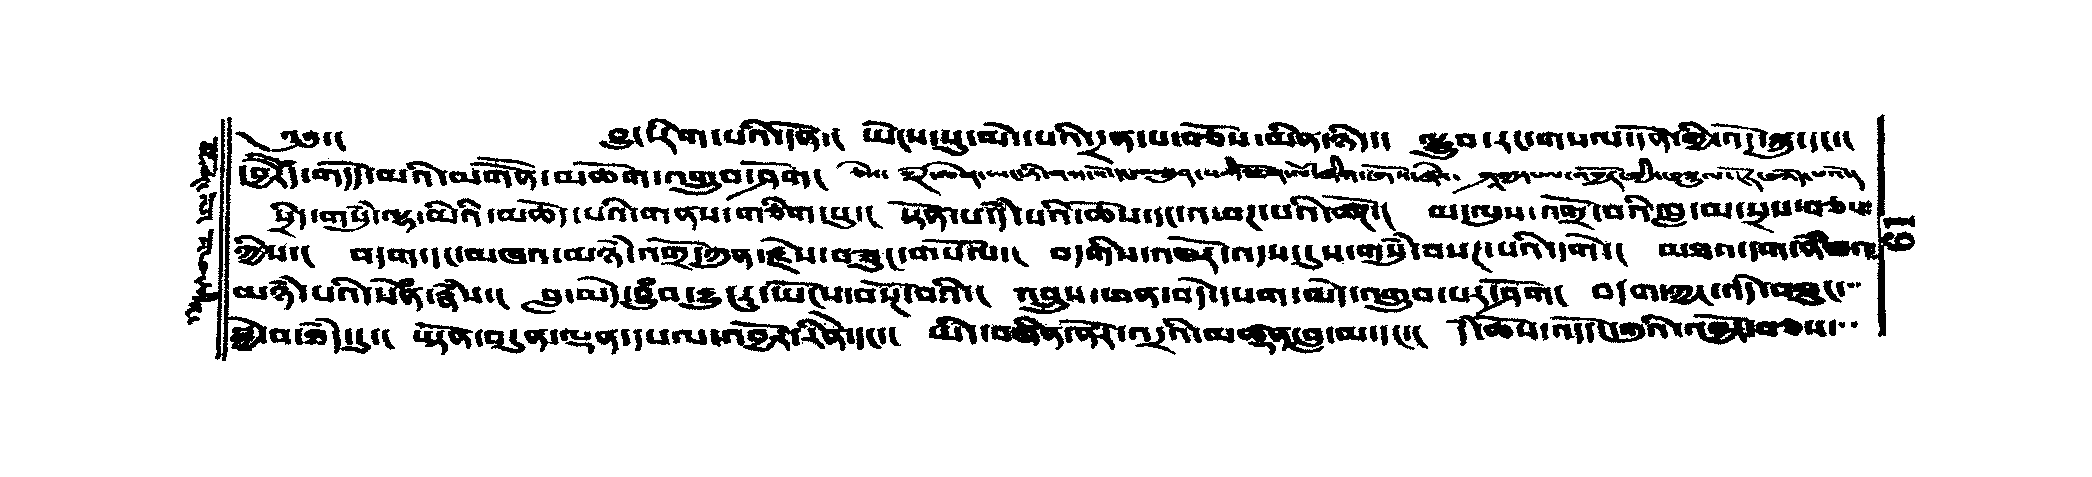བྱུང་རིག་པའི་དོན། །ཡེངས་སུ་མེད་པའི་དྲན་པ་བཅོས་མིན་ཉིད། །ལྷུན་གྲུབ་རང་གསལ་དོན་གྱི་འོད་སྐུ་དང་། །
དབྱེར་མེད་གདོད་མའི་མགོན་པོ་མཆོག་འགྲུབ་ཤོག ཅེས་རྫོགས་ཆེན་ཡང་ཏི་ནག་པོ་དང་མཐུན་པའི་སྨོན་ལམ་ཞིག་དགོས་ཞེས་ཤཱཀྱ་དཔལ་འབྱོར་གྱིས་བསྐུལ་ངོར་བཀོད་པའོ།།
སྲིད་གསུམ་ལྷ་མའི་མཆོད་པའི་གནས་གཅིག་པུ། །སྟོན་པ་དམ་པའི་ཆོས་དང་འཕགས་པའི་ཚོགས། །མ་ལུས་འགྲོ་བའི་བླ་མ་སྲས་བཅས་
ཀྱིས། །བདག་དང་མཁའ་མཉམ་འགྲོ་ཀུན་རྗེས་བཟུང་གསོལ། །བདག་གིས་འཁོར་འདས་དུས་གསུམ་བསགས་པའི་དགེ །མཐའ་དག་ནམ་མཁའ་
མཉམ་པའི་སེམས་ཅན་རྣམས། །བླ་མེད་བྱང་ཆུབ་རྒྱུ་རུ་ཡོངས་བསྔོ་བའི། །འབྲས་བུ་ཕན་བདེ་དཔག་མེད་འགྲུབ་པར་ཤོག །བདག་ཀྱང་འདི་བཟུང་
སྐྱེ་བ་ཐམས་ཅད་དུ། །ཡོན་ཏན་བདུན་ལྡན་དཔལ་འབྱོར་རིན་ཆེན་དང་། །ཡིད་བཞིན་ནོར་འདྲའི་མཚན་ལྡན་བླ་མ་དང་། །དམ་ཆོས་འདོད་དགུའི་འབྱོར་བཅས་